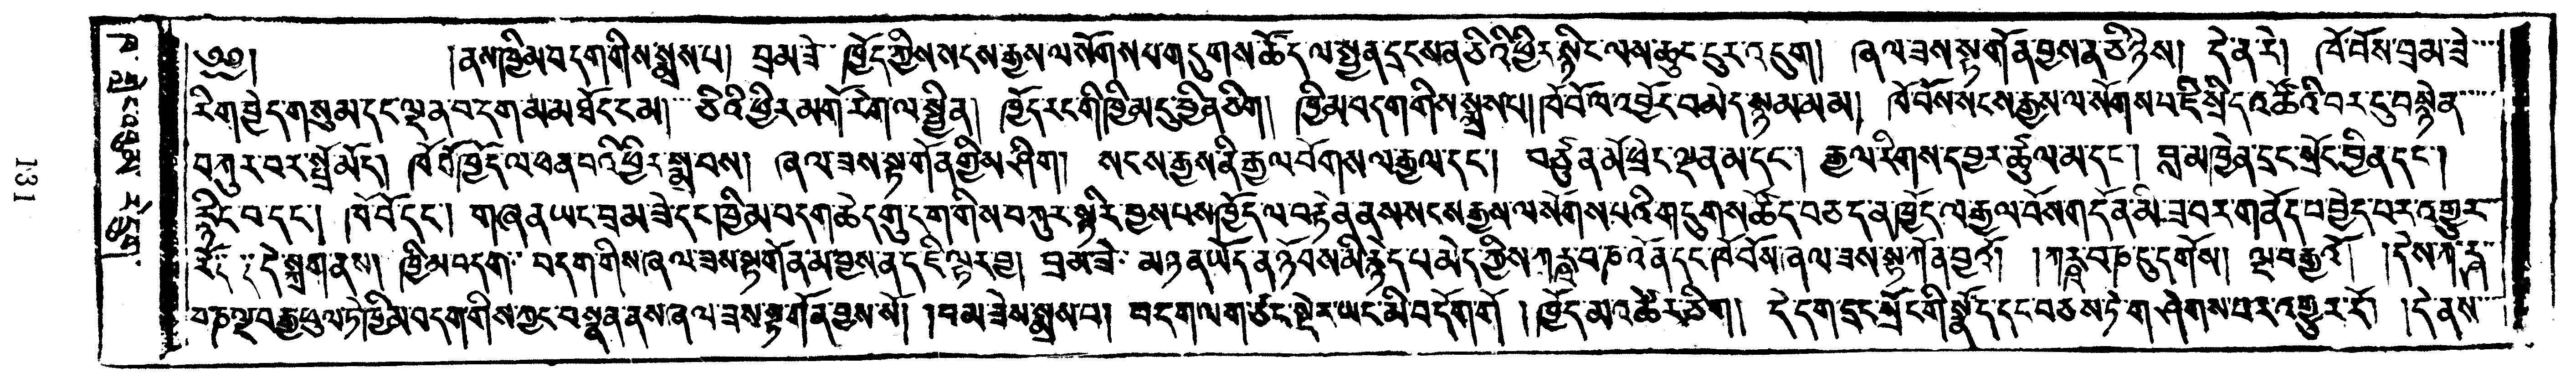༄༅། །ནས་ཁྱིམ་བདག་གིས་སྨྲས་པ། བྲམ་ཟེ་ཁྱོད་ཀྱིས་སངས་རྒྱས་ལ་སོགས་པ་གདུགས་ཚོད་ལ་སྤྱན་དྲངས་ན་ཅིའི་ཕྱིར་སྙིང་ལས་ཆུང་དུར་འདུག། ཞལ་ཟས་སྟ་གོན་བྱས་ན་ཅི་ཉེས། དེ་ན་རེ། ཁོ་བོས་བྲམ་ཟེ་
རིག་བྱེད་གསུམ་དང་ལྡན་བ་དག་མ་མཐོང་ངམ། ཅིའི་ཕྱིར་མགོ་རེག་ལ་སྦྱིན། ཁྱོད་རང་གི་ཁྱིམ་དུ་བྱིན་ཅིག། ཁྱིམ་བདག་གིས་སྨྲས་པ། ཁོ་བོ་ལ་འབྱོར་བ་མེད་སྙམ་མམ། ཁོ་བོས་སངས་རྒྱས་ལ་སོགས་པ་ཇི་སྲིད་འཚོའི་བར་དུ་བསྙེན་
བཀུར་བར་སྤྲོ་མོད། ཁོ་བོ་ཁྱོད་ལ་ཕན་པའི་ཕྱིར་སྨྲ་བས། ཞལ་ཟས་སྟ་གོན་གྱིས་ཤིག། སངས་རྒྱས་ནི་རྒྱལ་བོགས་ལ་རྒྱལ་དང་། བཙུན་མོ་ཕྲེང་ལྡན་མ་དང་། རྒྱལ་རིགས་དབྱར་ཚུལ་མ་དང་། བླ་མཁྱེན་དྲང་སྲོང་བྱིན་དང་།
རྙིང་བ་དང་། ཁོ་བོ་དང་། གཞན་ཡང་བྲམ་ཟེ་དང་ཁྱིམ་བདག་ཆེ་དགུ་དག་གིས་བཀུར་སྟིར་བྱས་པས་ཁྱོད་ལ་བརྟེན་ནས་སངས་རྒྱས་ལ་སོགས་པའི་གདུགས་ཚོད་བཅད་ན་ཁྱོད་ལ་རྒྱལ་པོས་གདོན་མི་ཟ་བར་གནོད་པ་བྱེད་པར་འགྱུར་
རོ༑ ༑དེ་སྐྲག་ནས། ཁྱིམ་བདག༑ བདག་གིས་ཞལ་ཟས་སྟ་གོན་མ་བྱས་ན་ད་ཇི་ལྟར་བྱ། བྲམ་ཟེ༑ མཉན་ཡོད་ན་ཉོབས་མི་རྙེད་པ་མེད་ཀྱིས་ཀྲྵ་བ་ཎ་འོན་དང་ཁོ་བོས་ཞལ་ཟས་སྟ་ཀོན་བྱའོ། །ཀྲྵ་བཎ་དུ་དགོས། ལྔ་བརྒྱའོ། །དེས་ཀརྴ་
བཎ་ལྔ་བརྒྱ་ཕུལ་ཏེ་ཁྱིམ་བདག་གིས་ཀྱང་བསྣན་ནས་ཞལ་ཟས་སྟ་གོན་བྱས་སོ། །བྲམ་ཟེས་སྨྲས་པ། བདག་ལག་ཙང་སྡེར་ཡང་མི་བདོག་གོ །ཁྱོད་མ་འཚེར་ཅིག། དེ་དག་དྲང་སྲོང་གི་སྣོད་དང་བཅས་ཏེ་གཤེགས་པར་འགྱུར་རོ། །དེ་ནས་